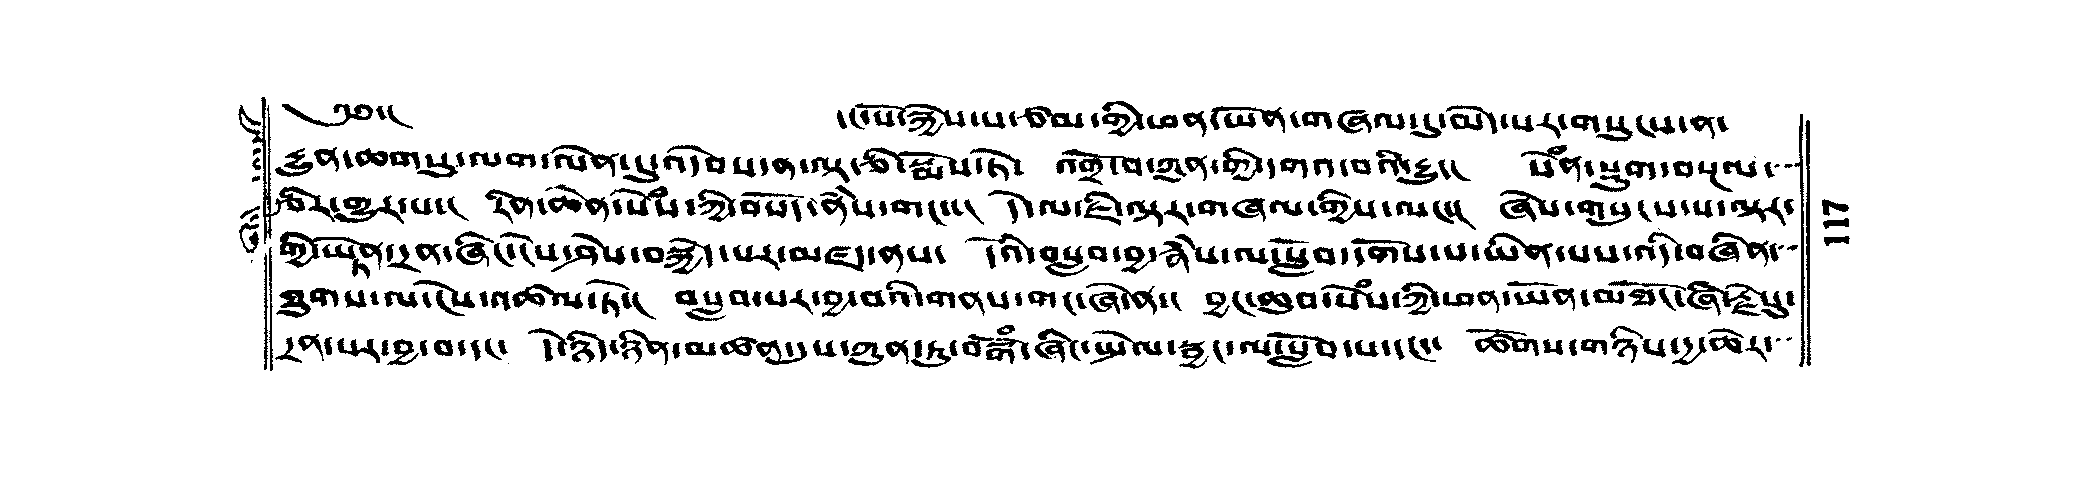དང་པོ་སྐྱེས་པ་ཙམ་གྱི་ཕན་ཡོན་གཞལ་དུ་མེད་པར་གསུངས་ན། 
རྒྱུན་ཆགས་སུ་ལག་ལེན་དུ་འདེབས་ན་ལྟ་ཅི་སྨོས་ཏེ། འགྲོ་བ་ཀུན་གྱི་དགའ་བའི་རྒྱུ། སེམས་ཅན་སྡུག་བསྔལ་
ཅིར་གྱུར་པ། རིན་ཆེན་སེམས་ཀྱི་བསོད་ནམས་གང་། དེ་ལ་ཇི་ལྟར་གཞལ་གྱིས་ལང་། ཞེས་གསུངས་པ་ལྟར་
གྱི་ཡོན་ཏན་དྲན་ཞིང་ངེས་ཤེས་བསྐྱེད་པར་མཛད་ནས། དེའི་བསླབ་བྱ་རྣམས་ལ་སློབ་དགོས་པ་ཡིན་པས་འདི་བཞིན་
ཐུགས་ལ་ངེས་འཚལ་ཏོ། བསླབ་པར་བྱ་བའི་གནས་གང་ཞེ་ན། བྱང་ཆུབ་སེམས་ཀྱི་ཕན་ཡོན་མཐོང་ཞི་རྗེས་སུ་
དྲན་པར་བྱ་བ་དང་། དེ་ཉིད་ཉིན་མཚན་དུས་ཀུན་ཏུ་བསྒོམ་ཞིང་སྤེལ་སྦྱང་ལ་སློབ་པ་དང་། ཚོགས་གནིས་རྒྱ་ཆེར་